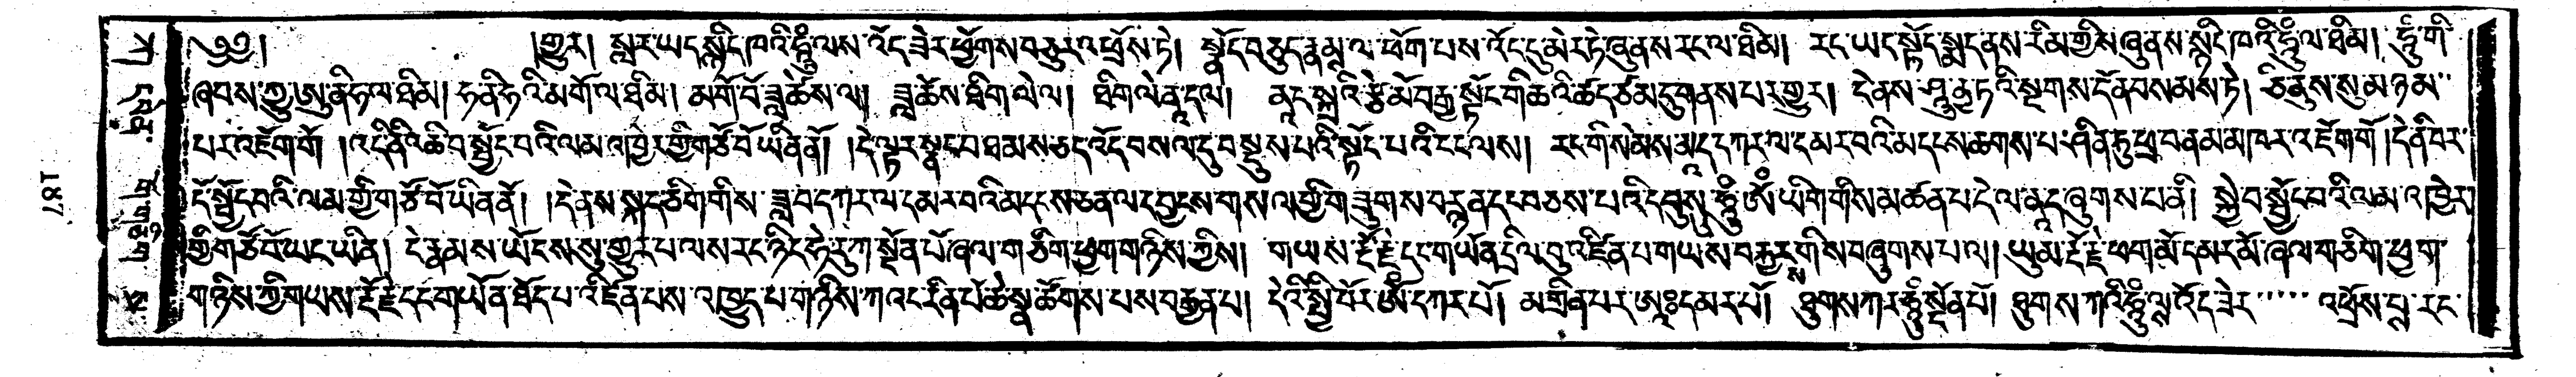༄༅། །གྱུར། སླར་ཡང་སྙིང་ཁའི་ཧཱུཾ་ལས་འོད་ཟེར་ཕྱོགས་བཅུར་འཕྲོས་ཏེ། སྣོད་བཅུད་རྣམས་ལ་ཕོག་པས་འོད་དུ་མེར་ཏེ་ཞུ་ནས་རང་ལ་ཐིམ། རང་ཡང་སྟོད་སྨད་ནས་རིམ་གྱིས་ཞུ་ནས་སྙིང་ཁའི་ཧཱུཾ་ལ་ཐིམ། ཧཱུཾ་གི་
ཞབས་ཀྱུ་ཨུ་ནི་ཧ་ལ་ཐིམ། ཧ་ནི་ཧའི་མགོ་ལ་ཐིམ། མགོ་བོ་ཟླ་ཚེས་ལ། ཟླ་ཆོས་ཐིག་ལེ་ལ། ཐིག་ལེ་ནཱ་ད་ལ། ནཱད་སྐྲའི་རྩེ་མོ་བརྒྱ་སྟོང་གི་ཆའི་ཚད་ཙམ་དུ་གནས་པར་གྱུར། དེ་ནས་ཤཱུ་ནྱ་ཏའི་སྔགས་དོན་བསམས་ཏེ། ཅི་ནུས་སུ་མཉམ་
པར་འཇོག་གོ །འདི་ནི་འཆི་བ་སྦྱོང་བའི་ལམ་འཁྱེར་གྱི་གཙོ་བོ་ཡིན་ནོ། །དེ་ལྟར་སྣང་བ་ཐམས་ཅད་འོད་བསལ་དུ་བསྡུས་པའི་སྟོང་པའི་ངང་ལས། རང་གི་སེམས་མཱད་དཀར་ལ་དམར་བའི་མདངས་ཆགས་པ་ཤིན་ཏུ་ཕྲ་བ་ནམ་མཁར་འཇོག་གོ །དེ་ནི་བར་
དོ་སྤྱོད་བའི་ལམ་གྱི་གཙོ་བོ་ཡིན་ནོ། །དེ་ནས་སྐད་ཅིག་གིས་ཟླ་བ་དཀར་ལ་དམར་བའི་མདངས་ཅན་ལ་དབྱངས་གསལ་གྱི་གཟུགས་བརྙན་དང་བཅས་པའི་དབུ་སུ་ཧཱུཾ་ཨོཾ་ཡིག་གིས་མཚན་པ་དེ་ལ་ནཱ་ད་ཞུགས་པ་ནི། སྐྱེ་བ་སྦྱོང་བའི་ལམ་འཁྱེར་
གྱི་གཙོ་བོ་ཡང་ཡིན། དེ་རྣམས་ཡོངས་སུ་གྱུར་པ་ལས་རང་ཉིད་ཧེ་རུ་ཀ་སྔོན་པོ་ཞལ་གཅིག་ཕྱག་གཉིས་ཀྱིས། གཡས་རྡོ་རྗེ་དང་གཡོན་དྲིལ་བུ་འཛིན་པ་གཡས་བརྐྱངས་གིས་བཞུགས་པ་ལ། ཡུམ་རྡོ་རྗེ་ཕག་མོ་དམར་མོ་ཞལ་གཅིག་ཕྱག་
གཉིས་ཀྱི་གཡས་རྡོ་རྗེ་དང་གཡོན་ཐོད་པ་འཛིན་པས་འཁྱུད་པ་གཉིས་ཀའང་རིན་པོ་ཆེ་སྣ་ཚོགས་པས་བརྒྱན་པ། དེའི་སྤྱི་པོར་ཨོཾ་དཀར་པོ། མགྲིན་པར་ཨཱཿ དམར་པོ། ཐུགས་ཀར་ཧཱུཾ་སྔོན་པོ། ཐུགས་ཀའི་ཧཱུཾ་ལས་འོད་ཟེར་འཕྲོས་བས་རང་